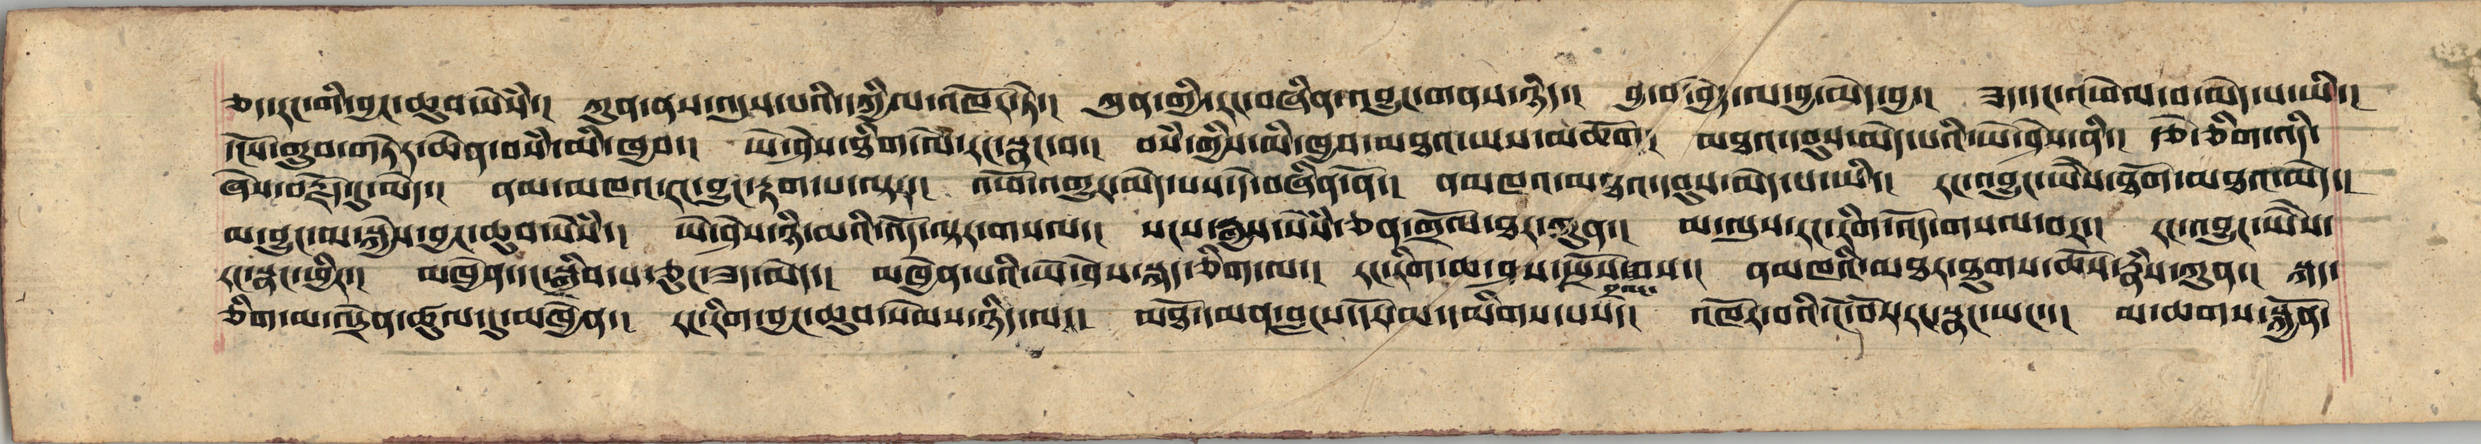ཅད་རང་གི་བྱང་ཆུབ་སེསཾ་། ཀུན་ནས་འདུས་པའི་དཀྱིལ་འཁོར་ཏེ་། ཀུན་གྱི་རང་བཞིན་འབྱུང་གནས་ཉིད་། བྱ་བ་བྱེད་ལ་བྱ་མེད་བྱ་། ཟད་དང་འཕེལ་བ་མེད་པ་ཡི་།
དངོས་གྲུབ་གཏེར་ཆེན་བསཾ་མི་ཁྱབ་། ཡེ་ཤེས་ཐིག་ལེ་རང་སྣང་བ་། བསཾ་གྱིས་མི་ཁྱབ་མཐའ་ཡས་མཆོག། མཐའ་དབུས་མེད་པའི་ཡེ་ཤེས་ནི་། རྩེ་ཅིག་འདི་
ཞེས་བརྗོད་དུ་མེད་། ནམ་མཁའ་རང་བྱུང་རྟག་པ་ལྟར་། འཕོ་འགྱུར་མེད་པས་དེ་བཞིན་ནོ་། ནམཁའ་མཐའ་དབུས་མེད་པ་ཡི་། རང་འབྱུང་ཡཻས་ཐོག་མཐའ་མེད་།
མ་བྱུང་མ་སྐྱེས་བྱང་ཆུབ་སེཾས་། ཡེ་ཤེས་ཉི་མའི་འོད་ལྟར་གསལ་། སངས་རྒྱས་སེཾས་ཅན་གྲོལ་ཐར་ཀུན་། མ་ལུས་རང་རིག་འོད་གསལ་བར་། རང་འབྱུང་ཡཻས་
རང་སྣང་ཕྱིར་། མཁྱེན་དང་སྒྲིབ་པ་ཅུང་ཟད་མེད་། མཁྱེན་པའི་ཡེ་ཤེས་སྐད་ཅིག་ལ་། རང་རིག་ཆ་ཤས་སྤྲོས་བྲལ་བས་། ནམཁའི་མཐར་ཐུགས་ཆོས་རྣཾས་ཀུན་། སྐད་
ཅིག་མ་འདྲེན་ཚུལ་དུ་མཁྱེན་། རང་རིག་བྱང་ཆུབ་སེམས་ཉིད་ལ་། མཐོ་དམན་བླངས་དོར་མ་དམིགས་པས་། འཁོར་བའི་ངོ་བོར་རང་སྣང་ཡང་་། མ་ཆགས་སྐྱོན་